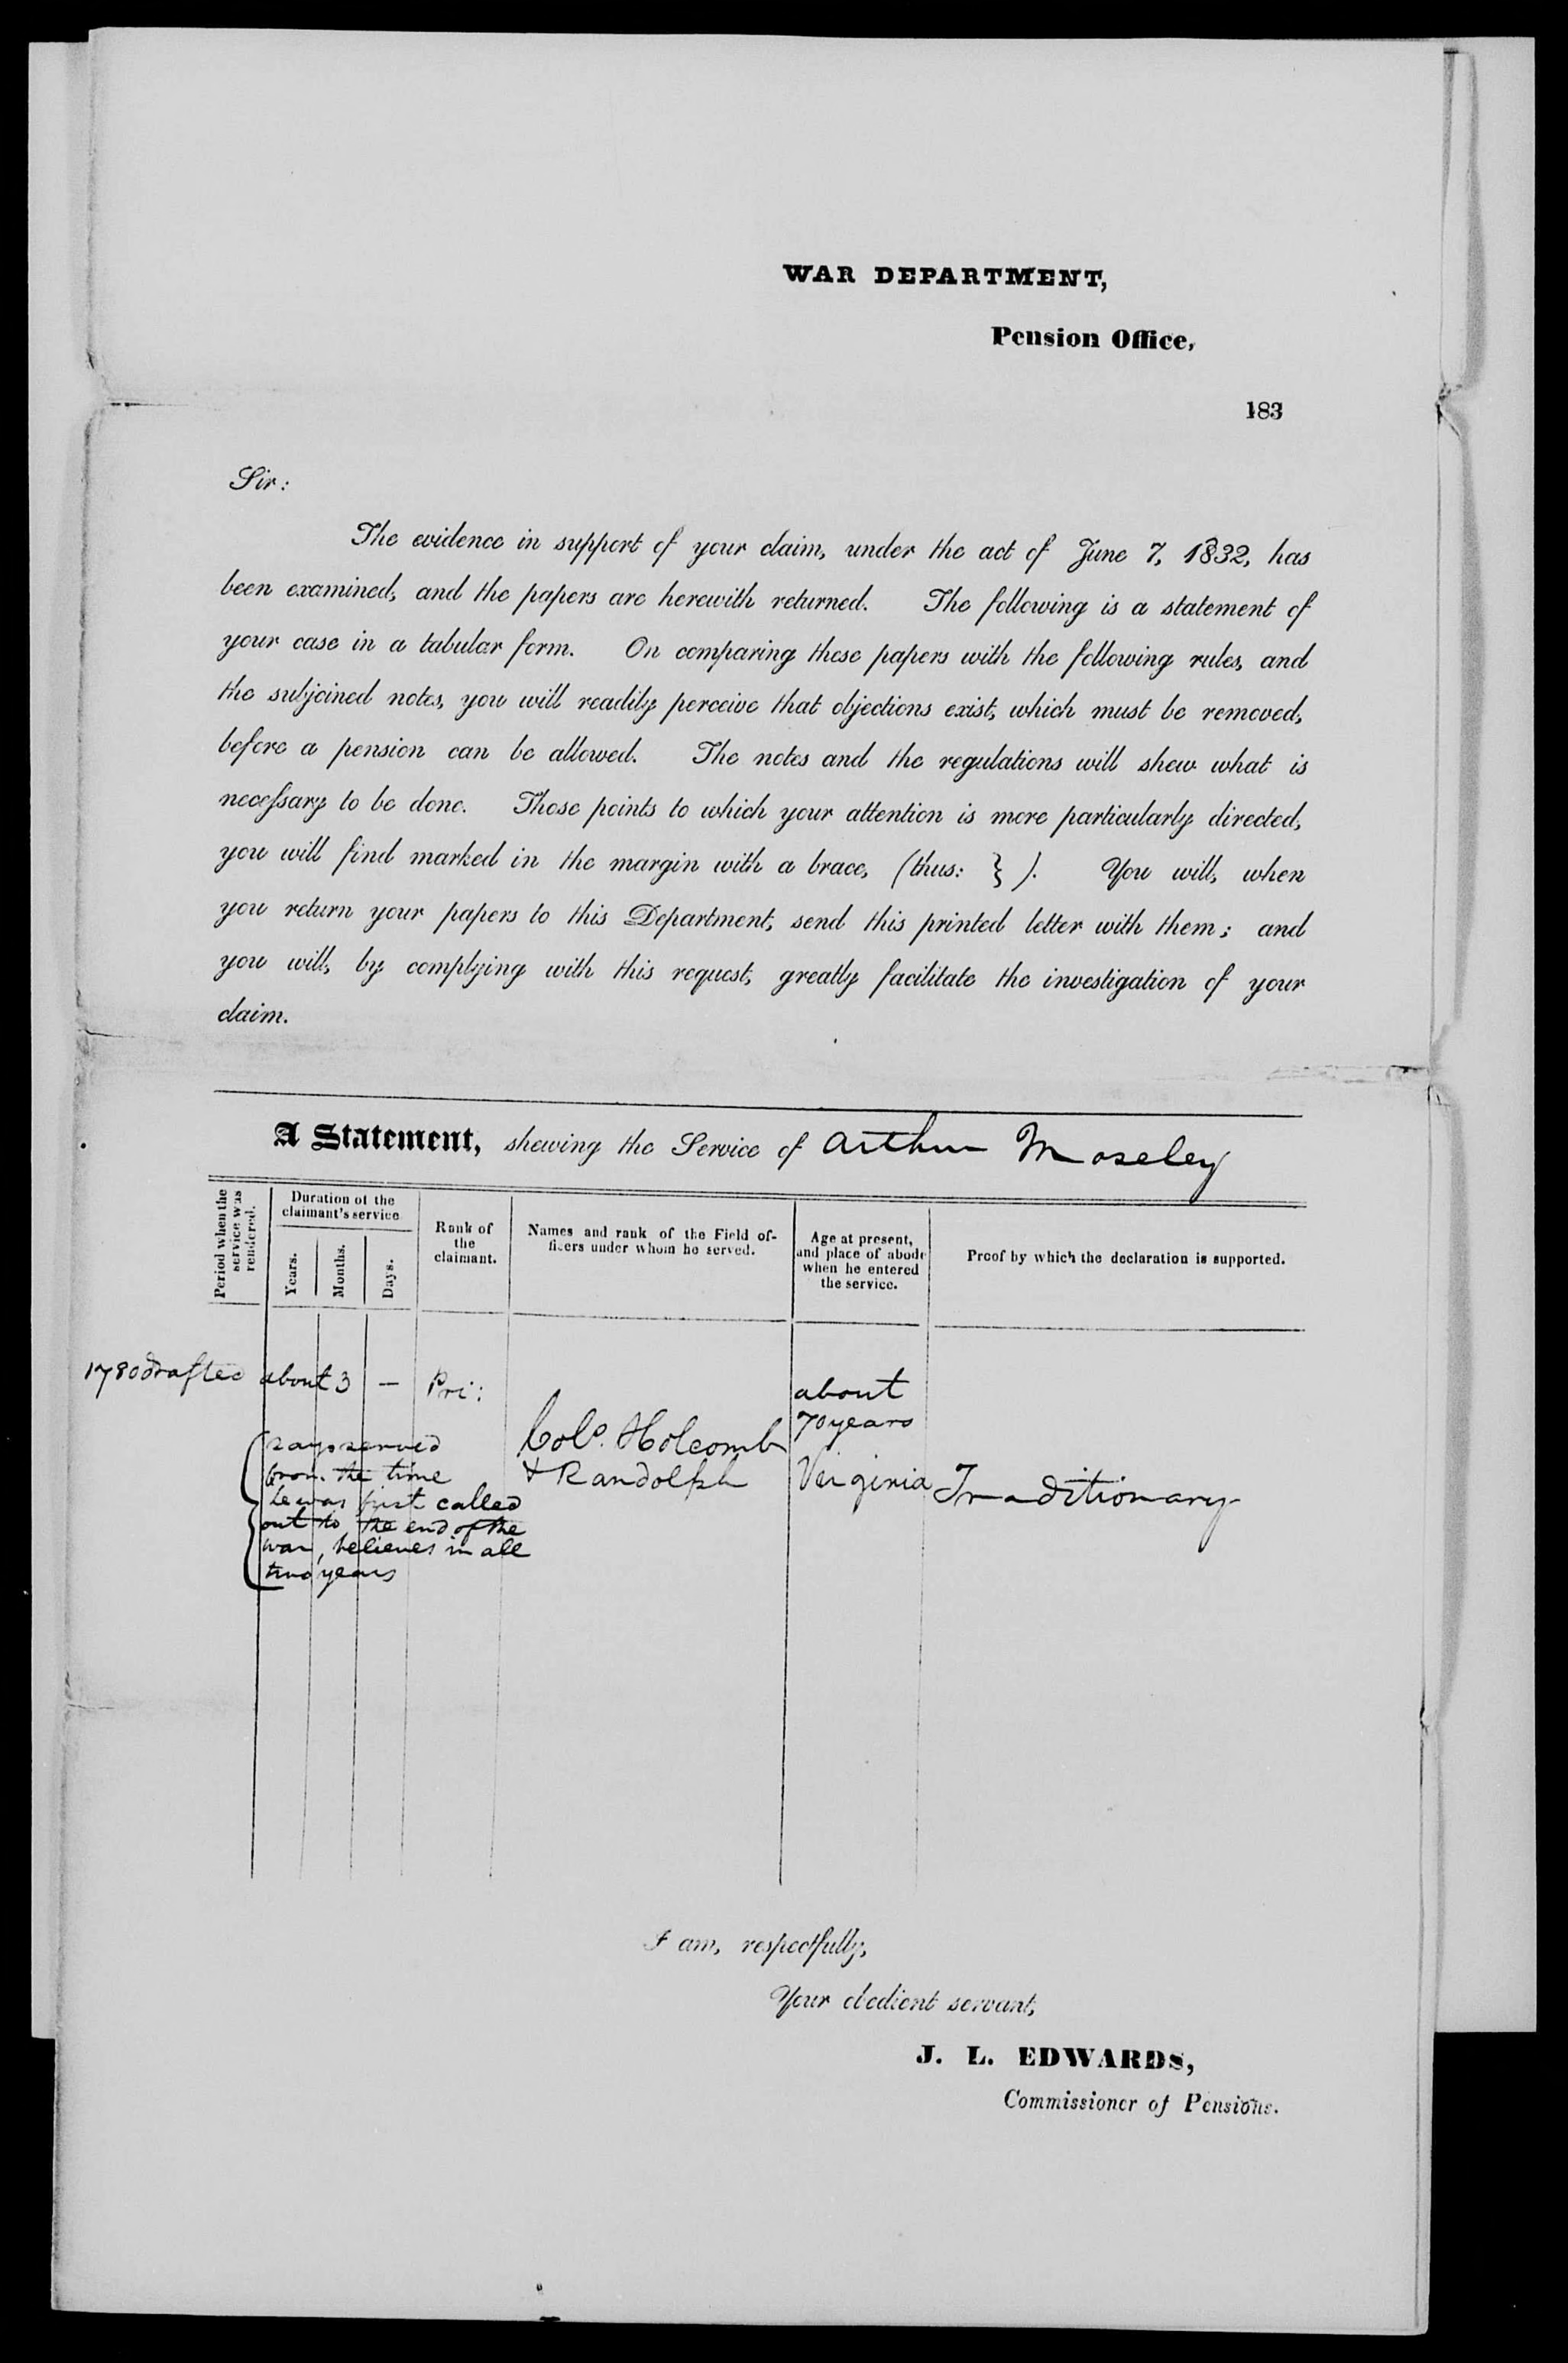WAR DEPARTMENT,

Pension Office,

183

Sir:

The evidence in support of your claim, under the act of June 7, 1832, has been examined, and the papers are herewith returned.  The following is a statement of your case in a tabular form.  On comparing these papers with the following rules, and the subjoined notes, you will readily perceive that objections exist, which must be removed, before a pension can be allowed.  The notes and the regulations will shew [show] what is necessary to be done.  These points to which your attention is more particularly directed, you will find marked with a brace, (thus: } ).  You will, when you return your papers to this Department, send this printed letter with them; and you will, by complying with this request, greatly facilitate the investigation of your claim.
 
A Statement, showing the Service of Arthur Moseley

[column headings:  Period when the service was rendered. Duration of the claimant’s service. Years. Months. Days. Rank of the claimant. Names and rank of the Field officers under whom he served. Age at present, and place of abode when he entered the service. Proof by which the declaration is supported.]

1780 drafted. about 3. --.  Pri:  Cols. Holcomb & Randolph. About 70 years Virginia. Traditionary.

Says served from the time he was first called out to the end of the war, believes in all two years [preceding text appears to the right of a brace]

I am, respectfully,
Your obedient servant,
J.L. Edwards, 
Commissioner of Pensions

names: [BLANK] Holcomb; [BLANK] Randolph; Arthur Moseley; J L Edwards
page: 9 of 21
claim: survivor's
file: S. 7240, for Arthur Moseley, Virginia